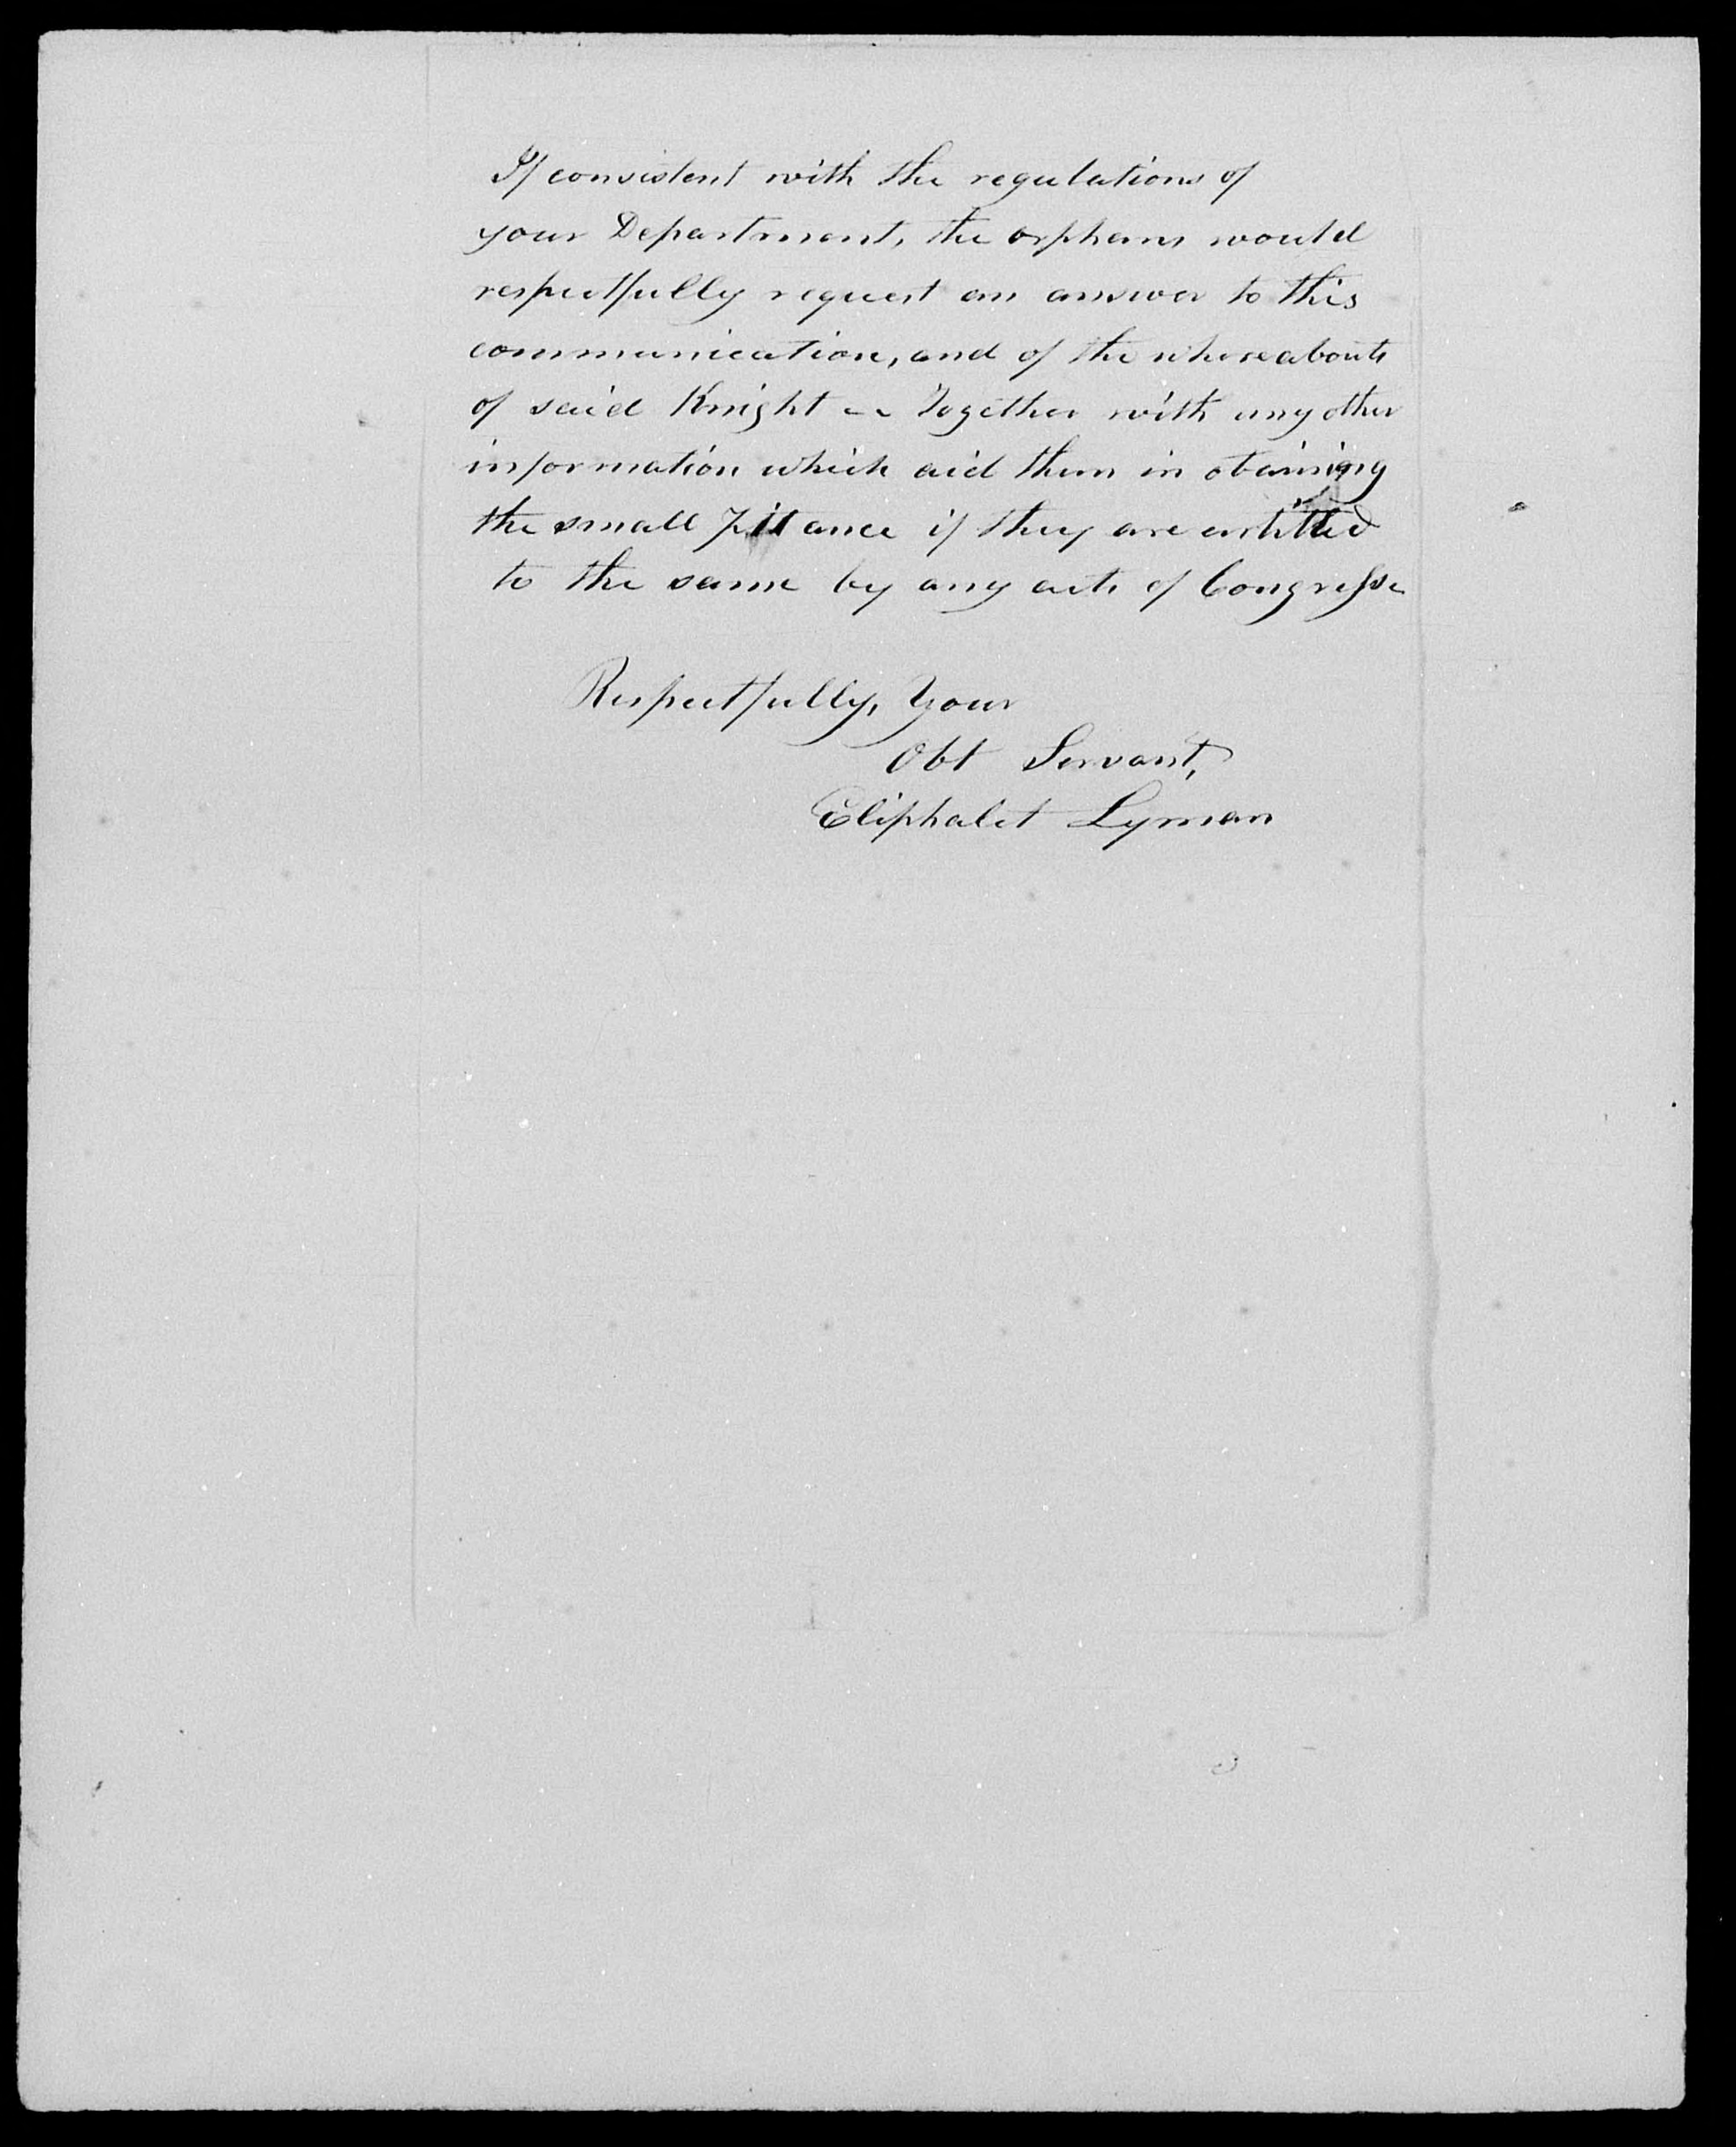If consistent with the regulations of your Department, the orphans would respectfully request an answer to this communication, and of the whereabouts of said Knight_ Together with any other information which aid them in obtaining the small pittance if they are entitled to the same by any acts of Congress.
Respectfully, Your
Obt Servant,
Eliphalet Lyman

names: Eliphalet Lyman, Knight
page: 21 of 59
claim: widow's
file: W. 23017, Richard Clair Everett, Mass.